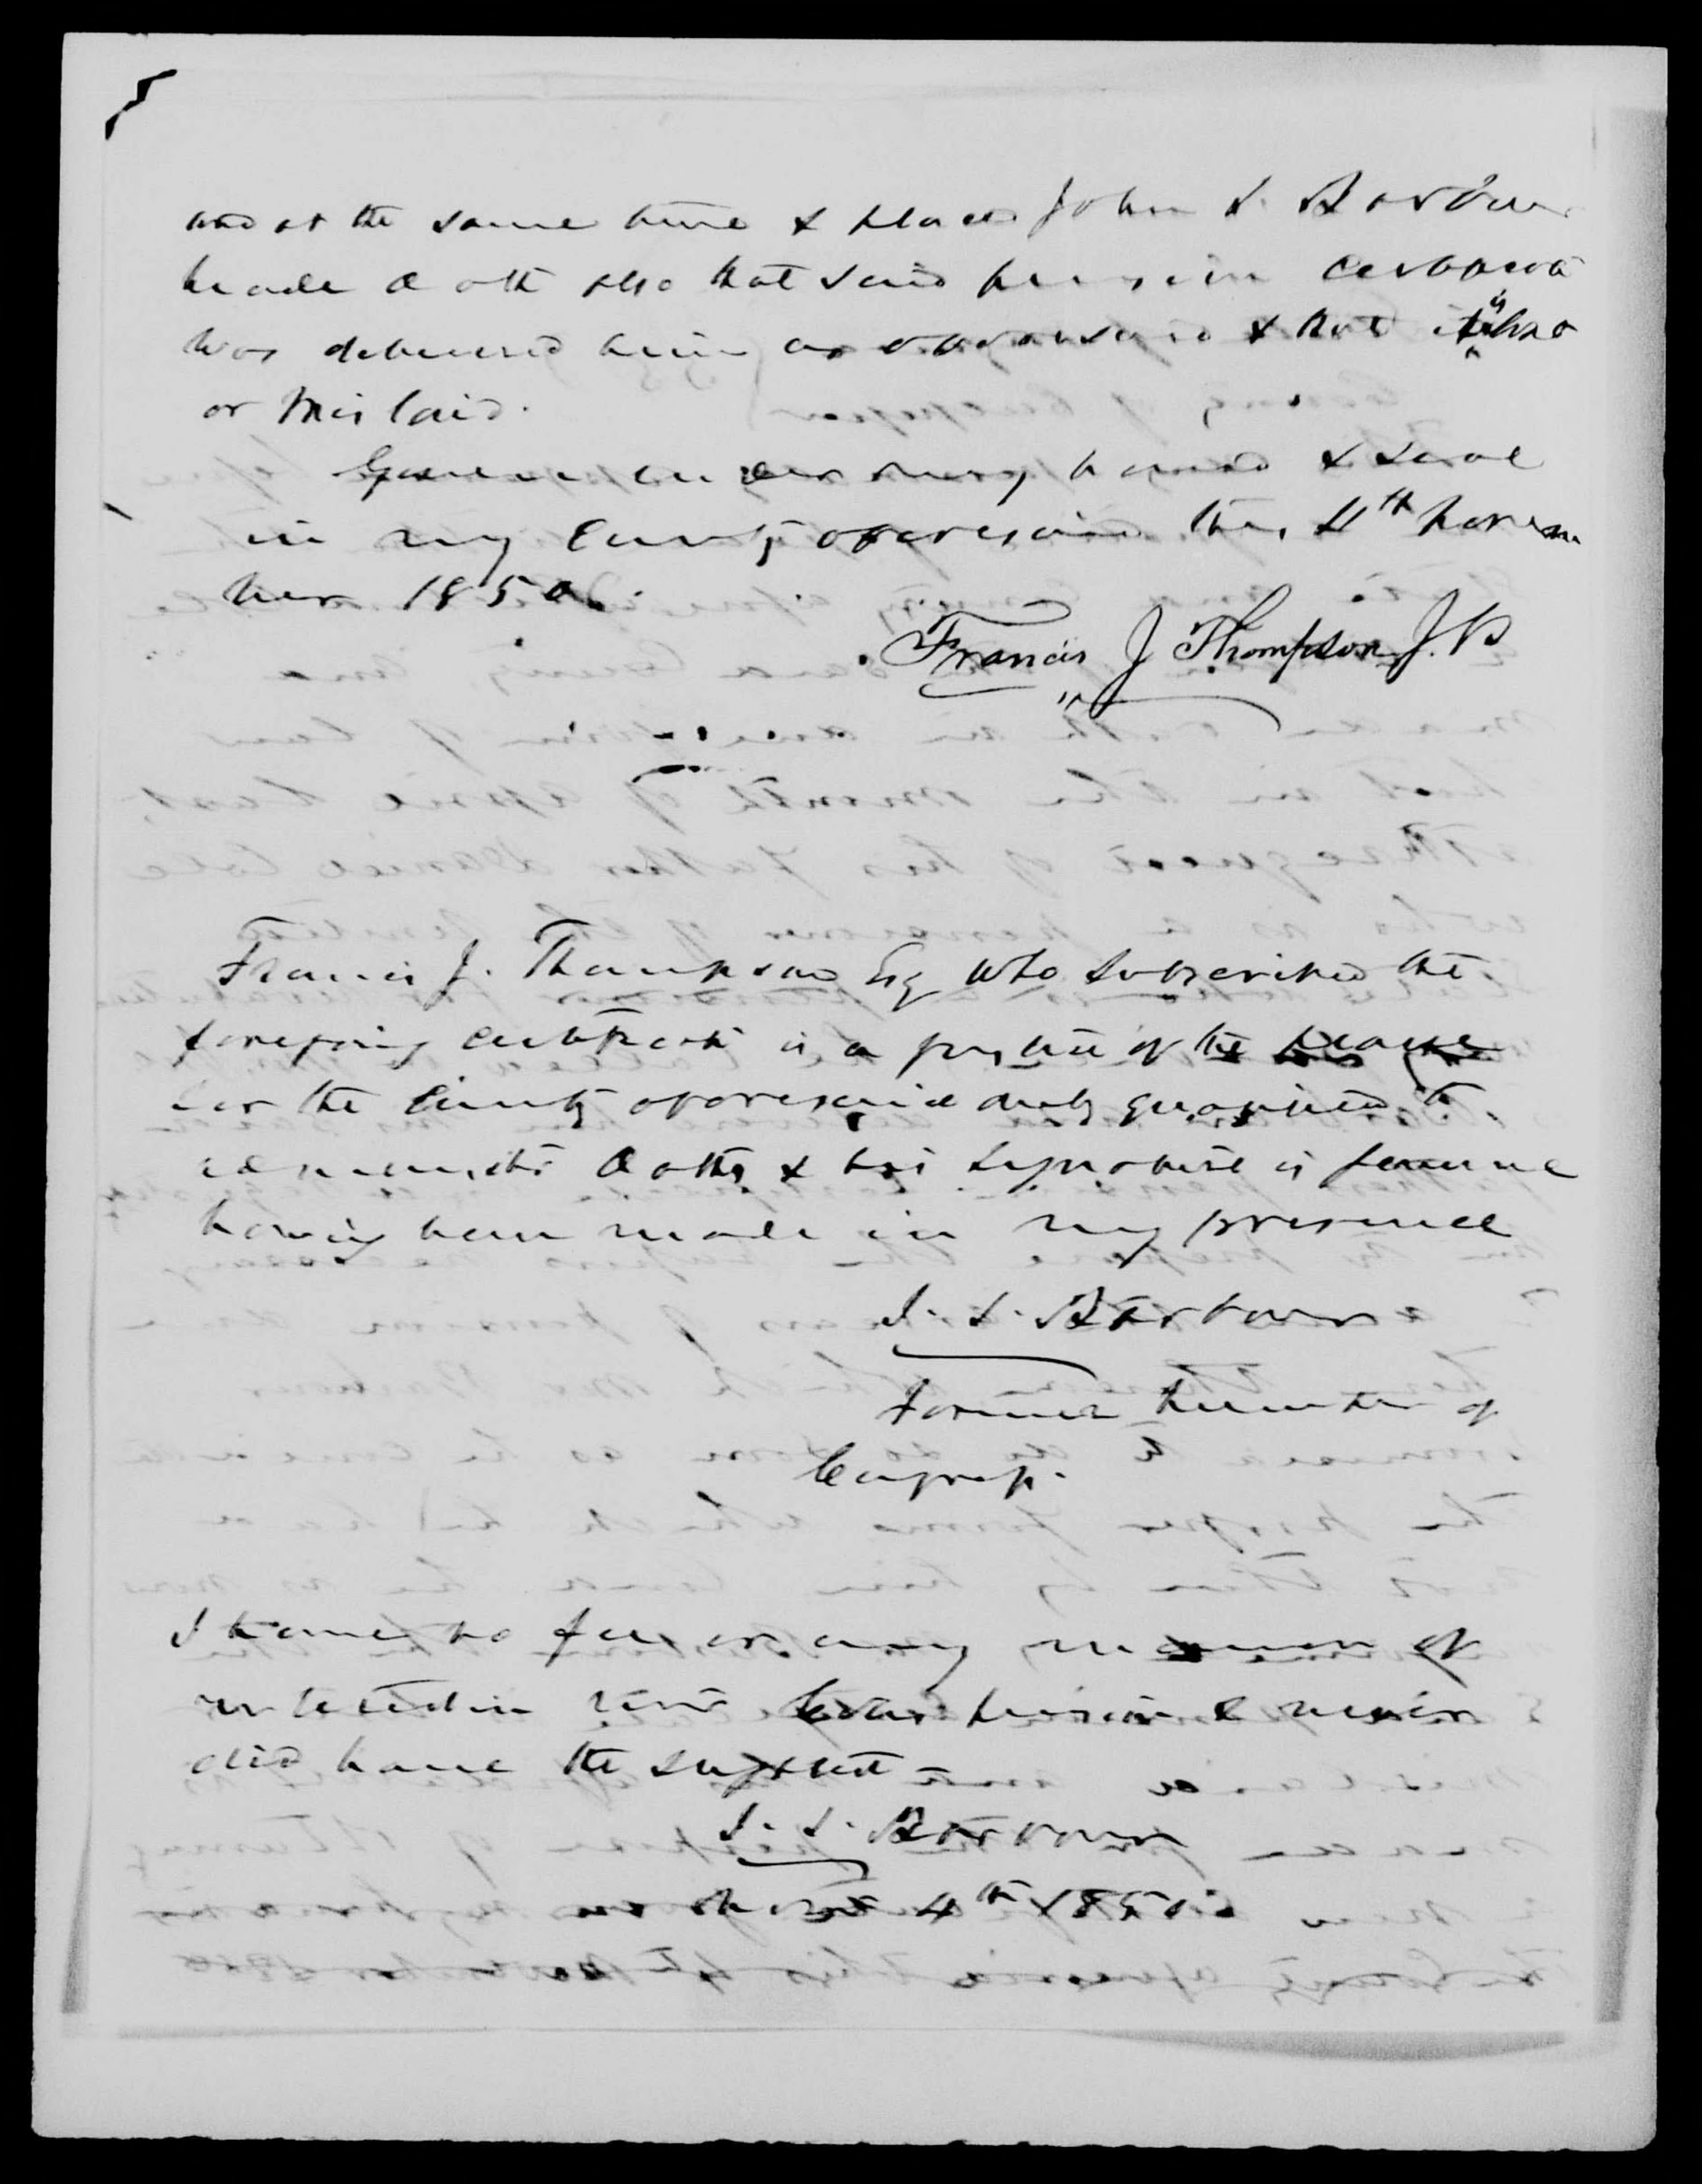who at the same time & place John S. Barbour
made oath also that said pension certificate was delivered him & that it is lost or mislaid.

Given under my hand & seal in said county aforesaid the 4th 
my person the 4th November 1850.

Francis J Thompson J.P. [Justice of the Peace]

Francis J. Thompson Esq.  who subscribed the
foregoing [illegible] is a justice of the peace for the county aforesaid duly qualified to administer oaths & his signature is genuine having been made in my presence
J. S. Barbour
[illegible] [illegible] of Culpepper County

I have no [illegible] or any [illegible] or interest in [illegible] [illegible] did have the [illegible] 
J. S. Barbour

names: J S Barbour, John S Barbour, Francis J Thompson, J S Barbour, Francis J Thompson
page: 28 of 61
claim: survivor's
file: S. 8236, Daniel Cole, Va.